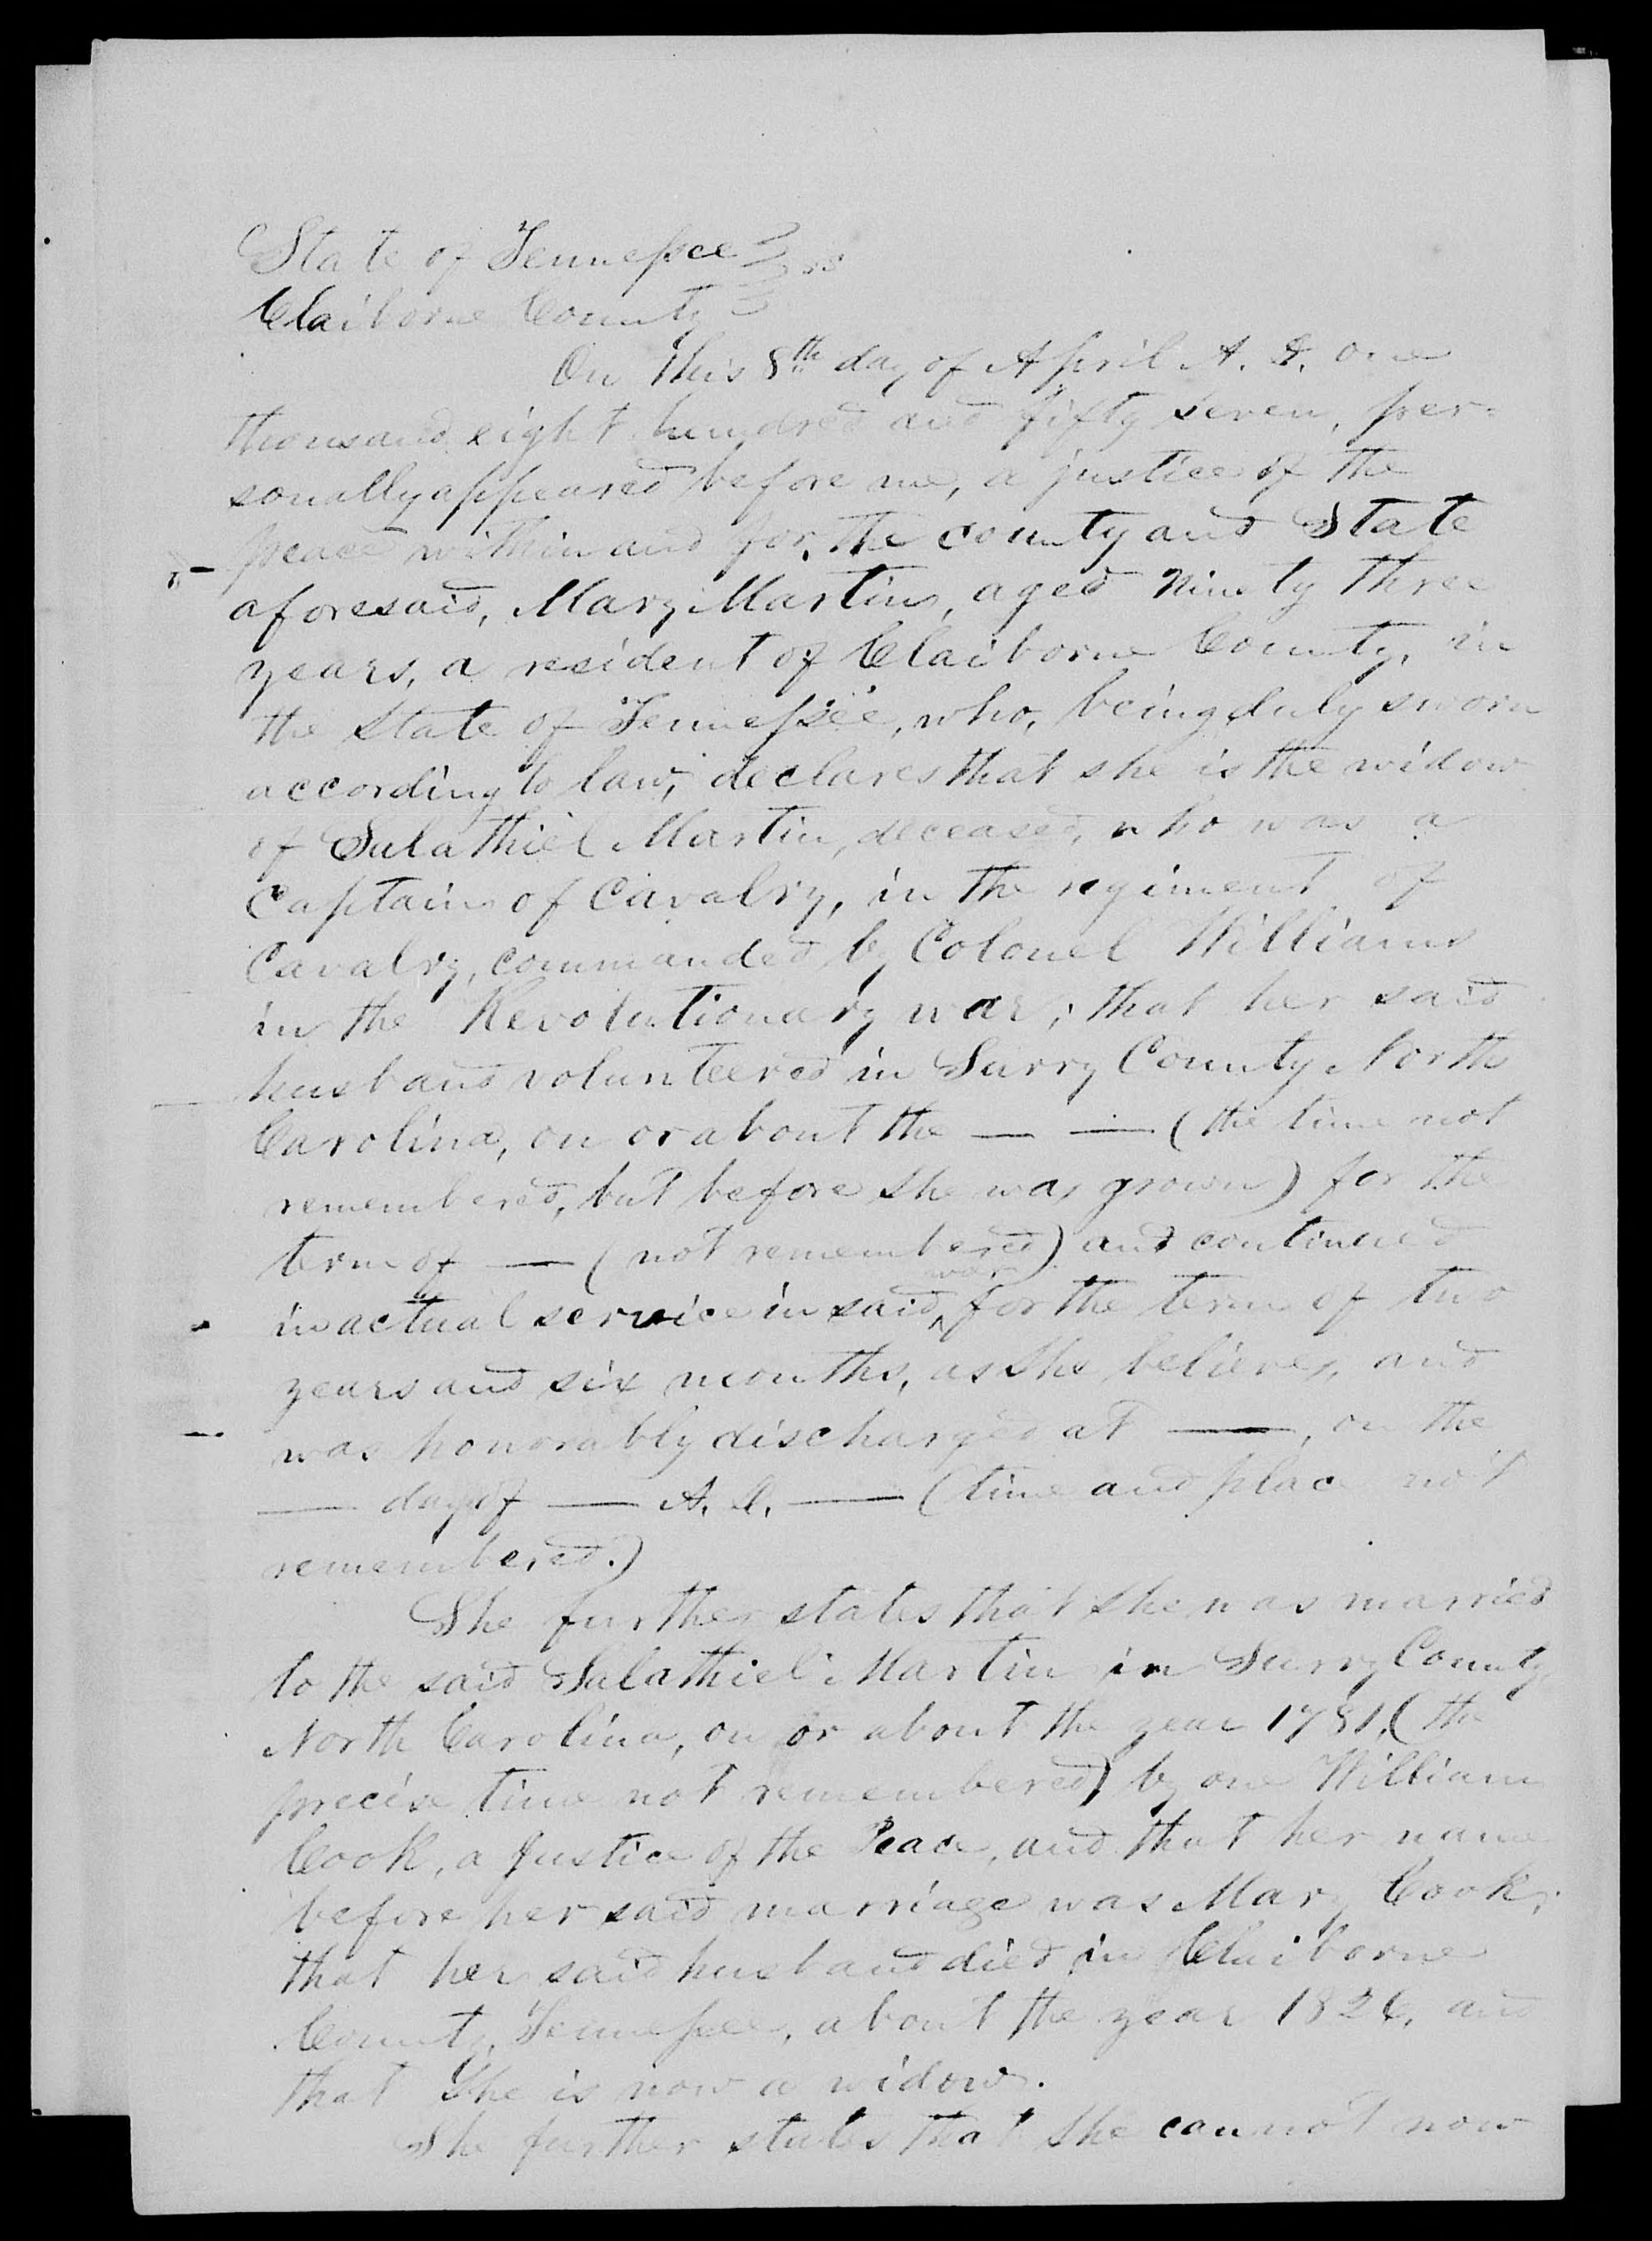State of Tennessee )
Claiborne County   ) ss
On this 8th day of April A.D. one 
thousand eight hundred and fifty seven, per-
sonally appeared before me, a justice of the peace within and for the county and State aforesaid, Mary Martin, aged ninety three years, a resident of Claiborne County, in 
the State of Tennessee, who, being duly sworn 
according to law, declares that she is the widow 
of Salathiel Martin, deceased, who was a Captain of Cavalry, in the regiment of Cavalry, commanded by Colonel Williams 
in the Revolutionary war; that her said husband volunteered in Surry County, North Carolina, on or about the ___ ___ [blank] (the time not 
remembered, but before she was grown) for the 
time of ___ [blank] (not remembered) and continued 
in actual service in said war for the term of two 
years and six months, as She believes, and was honorably discharged at ___ [blank], on the
 ___ [blank] day of ___ [blank] A.D. ___ [blank] (time and place not 
remembered.) 
She further states that she was married 
to the said Salathiel Martin in Surry County North Carolina, on or about the year 1781, (the precise time not remembered) by one William 
Cook, a Justice of the Peace, and that her name 
before her said marriage was Mary Cook; that her said husband died in Claiborne County, Tennessee, about the year 1826, and that she is now a widow. 
She further states that she cannot now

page: 9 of 120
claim: widow's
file: W. 1044, for Salathiel Martin, North Carolina